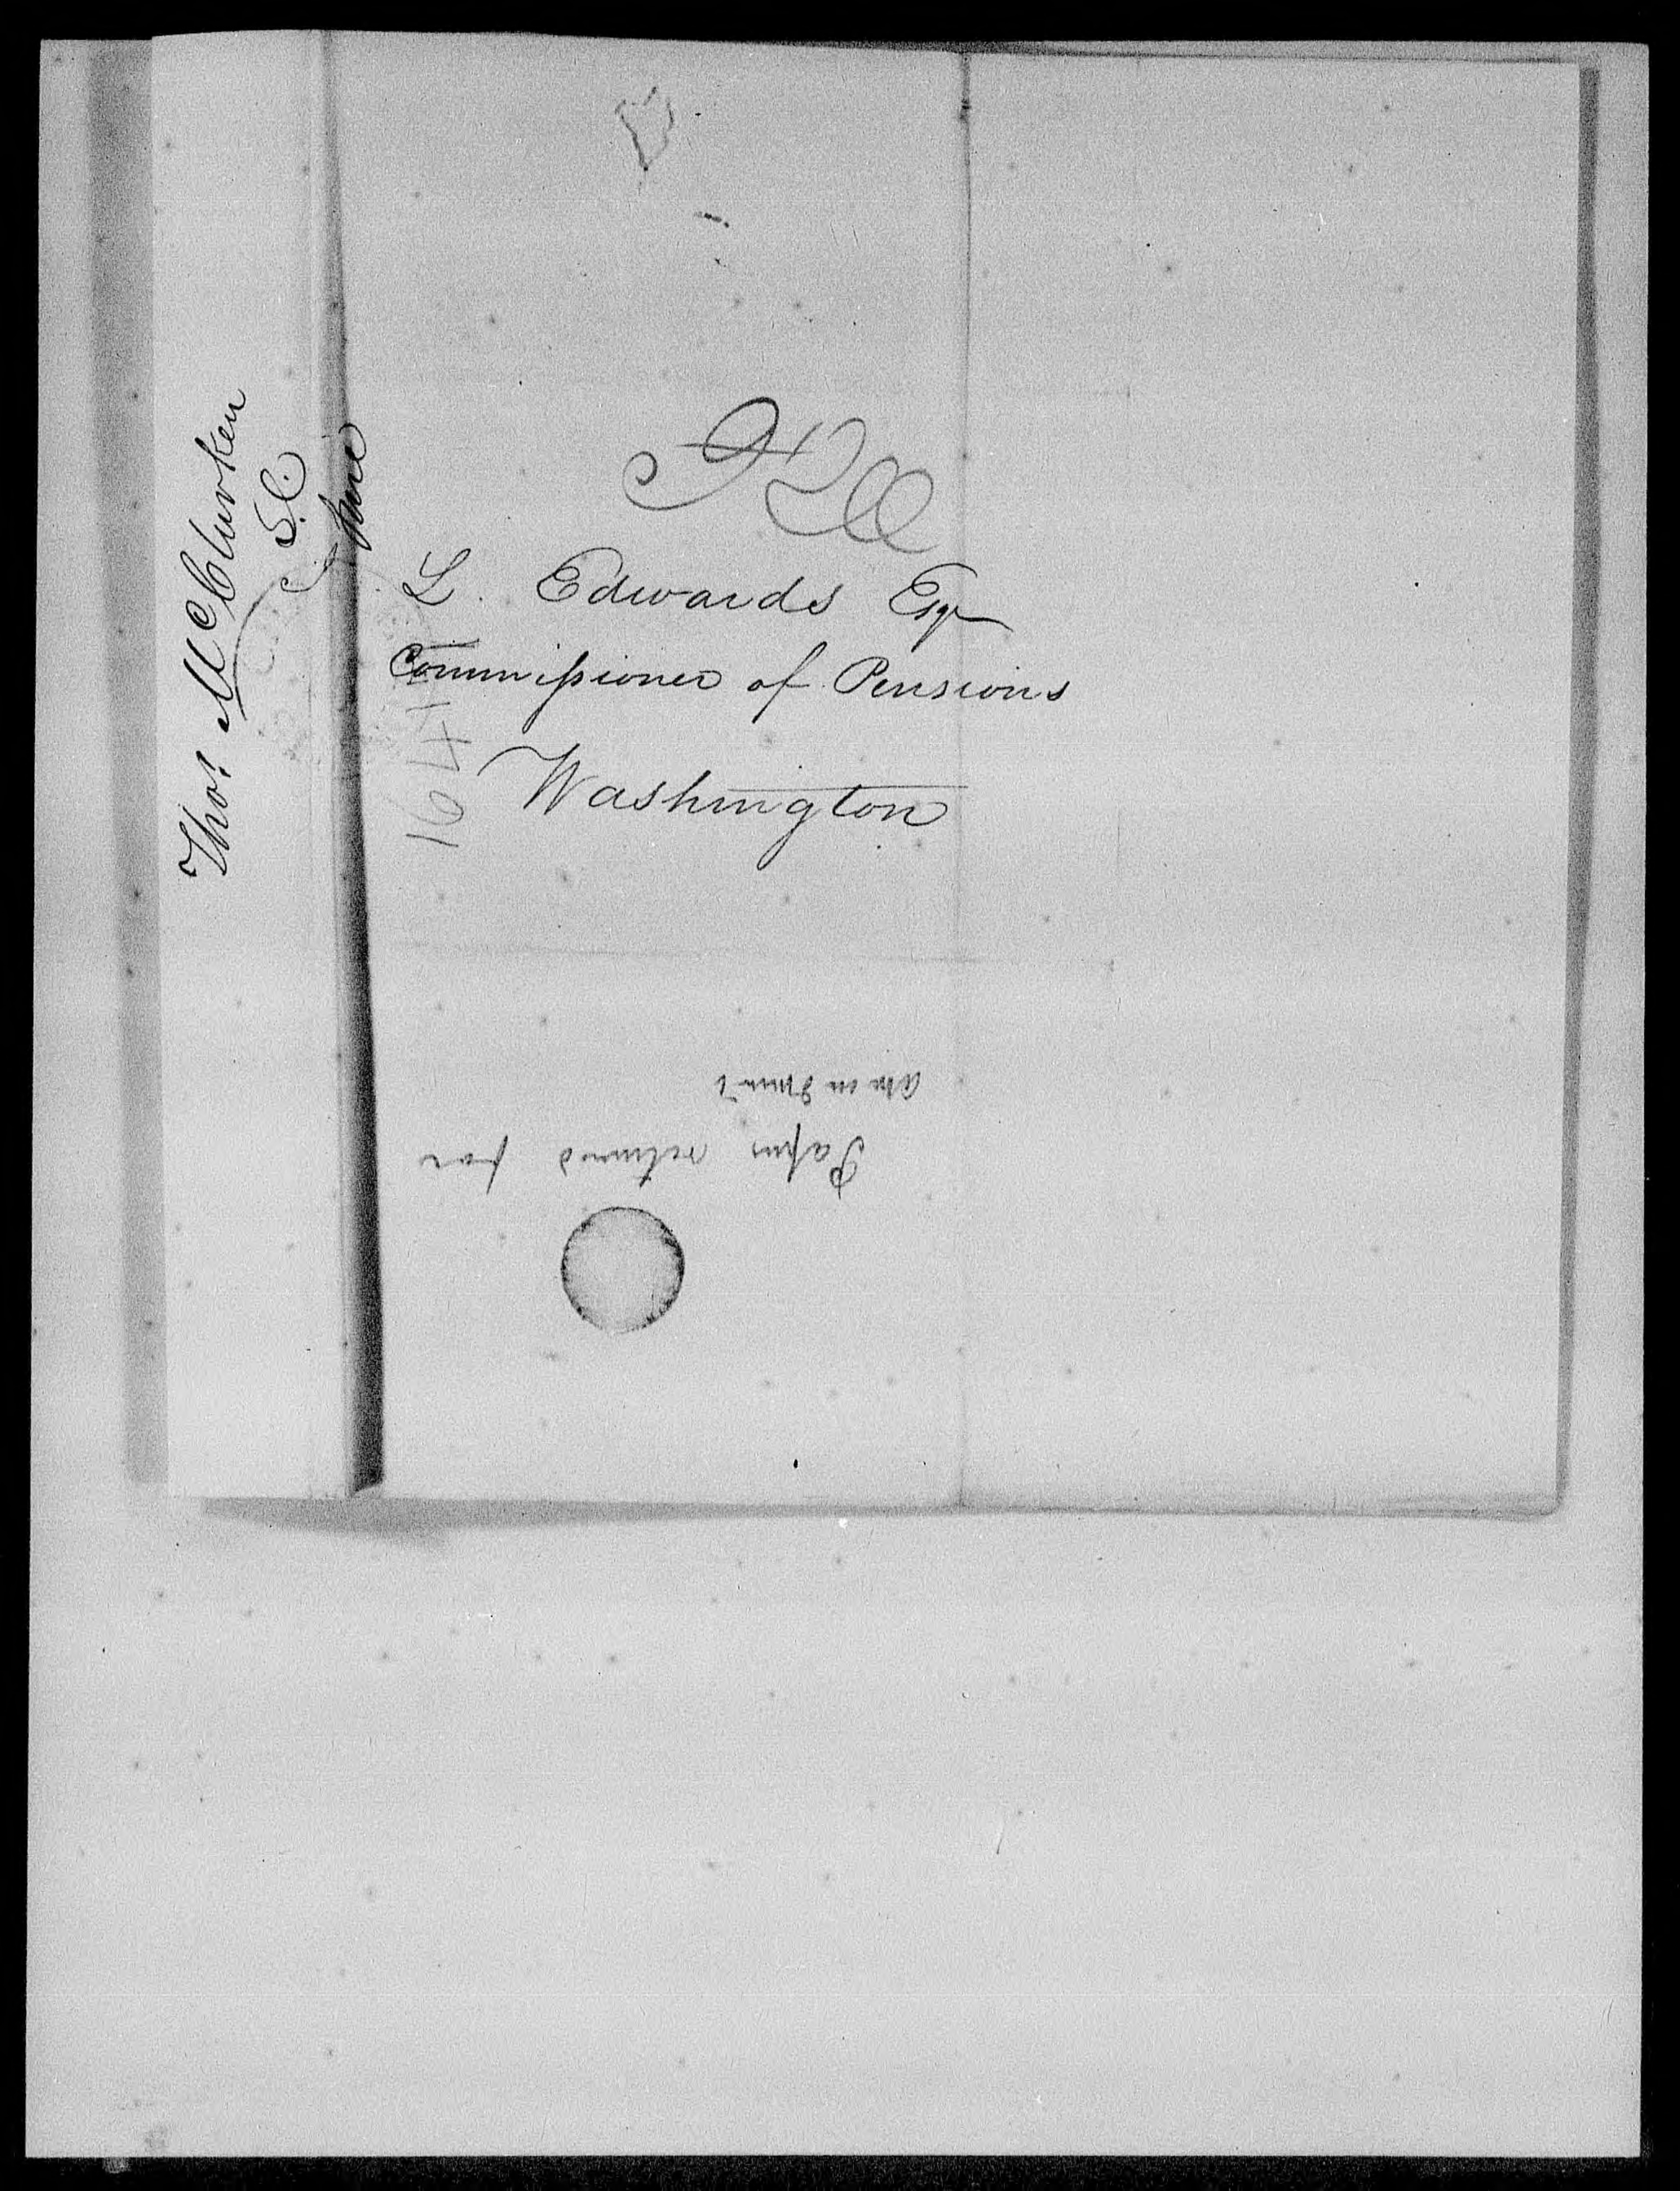Thos. McClurken 
S.C.

J.L Edwards Esqr.
Commissioner of Pensions
Washington

1641

Papers returned for
amendment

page: 39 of 93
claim: widow's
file: W. 21792, for Thomas Mc Clurken, South Carolina